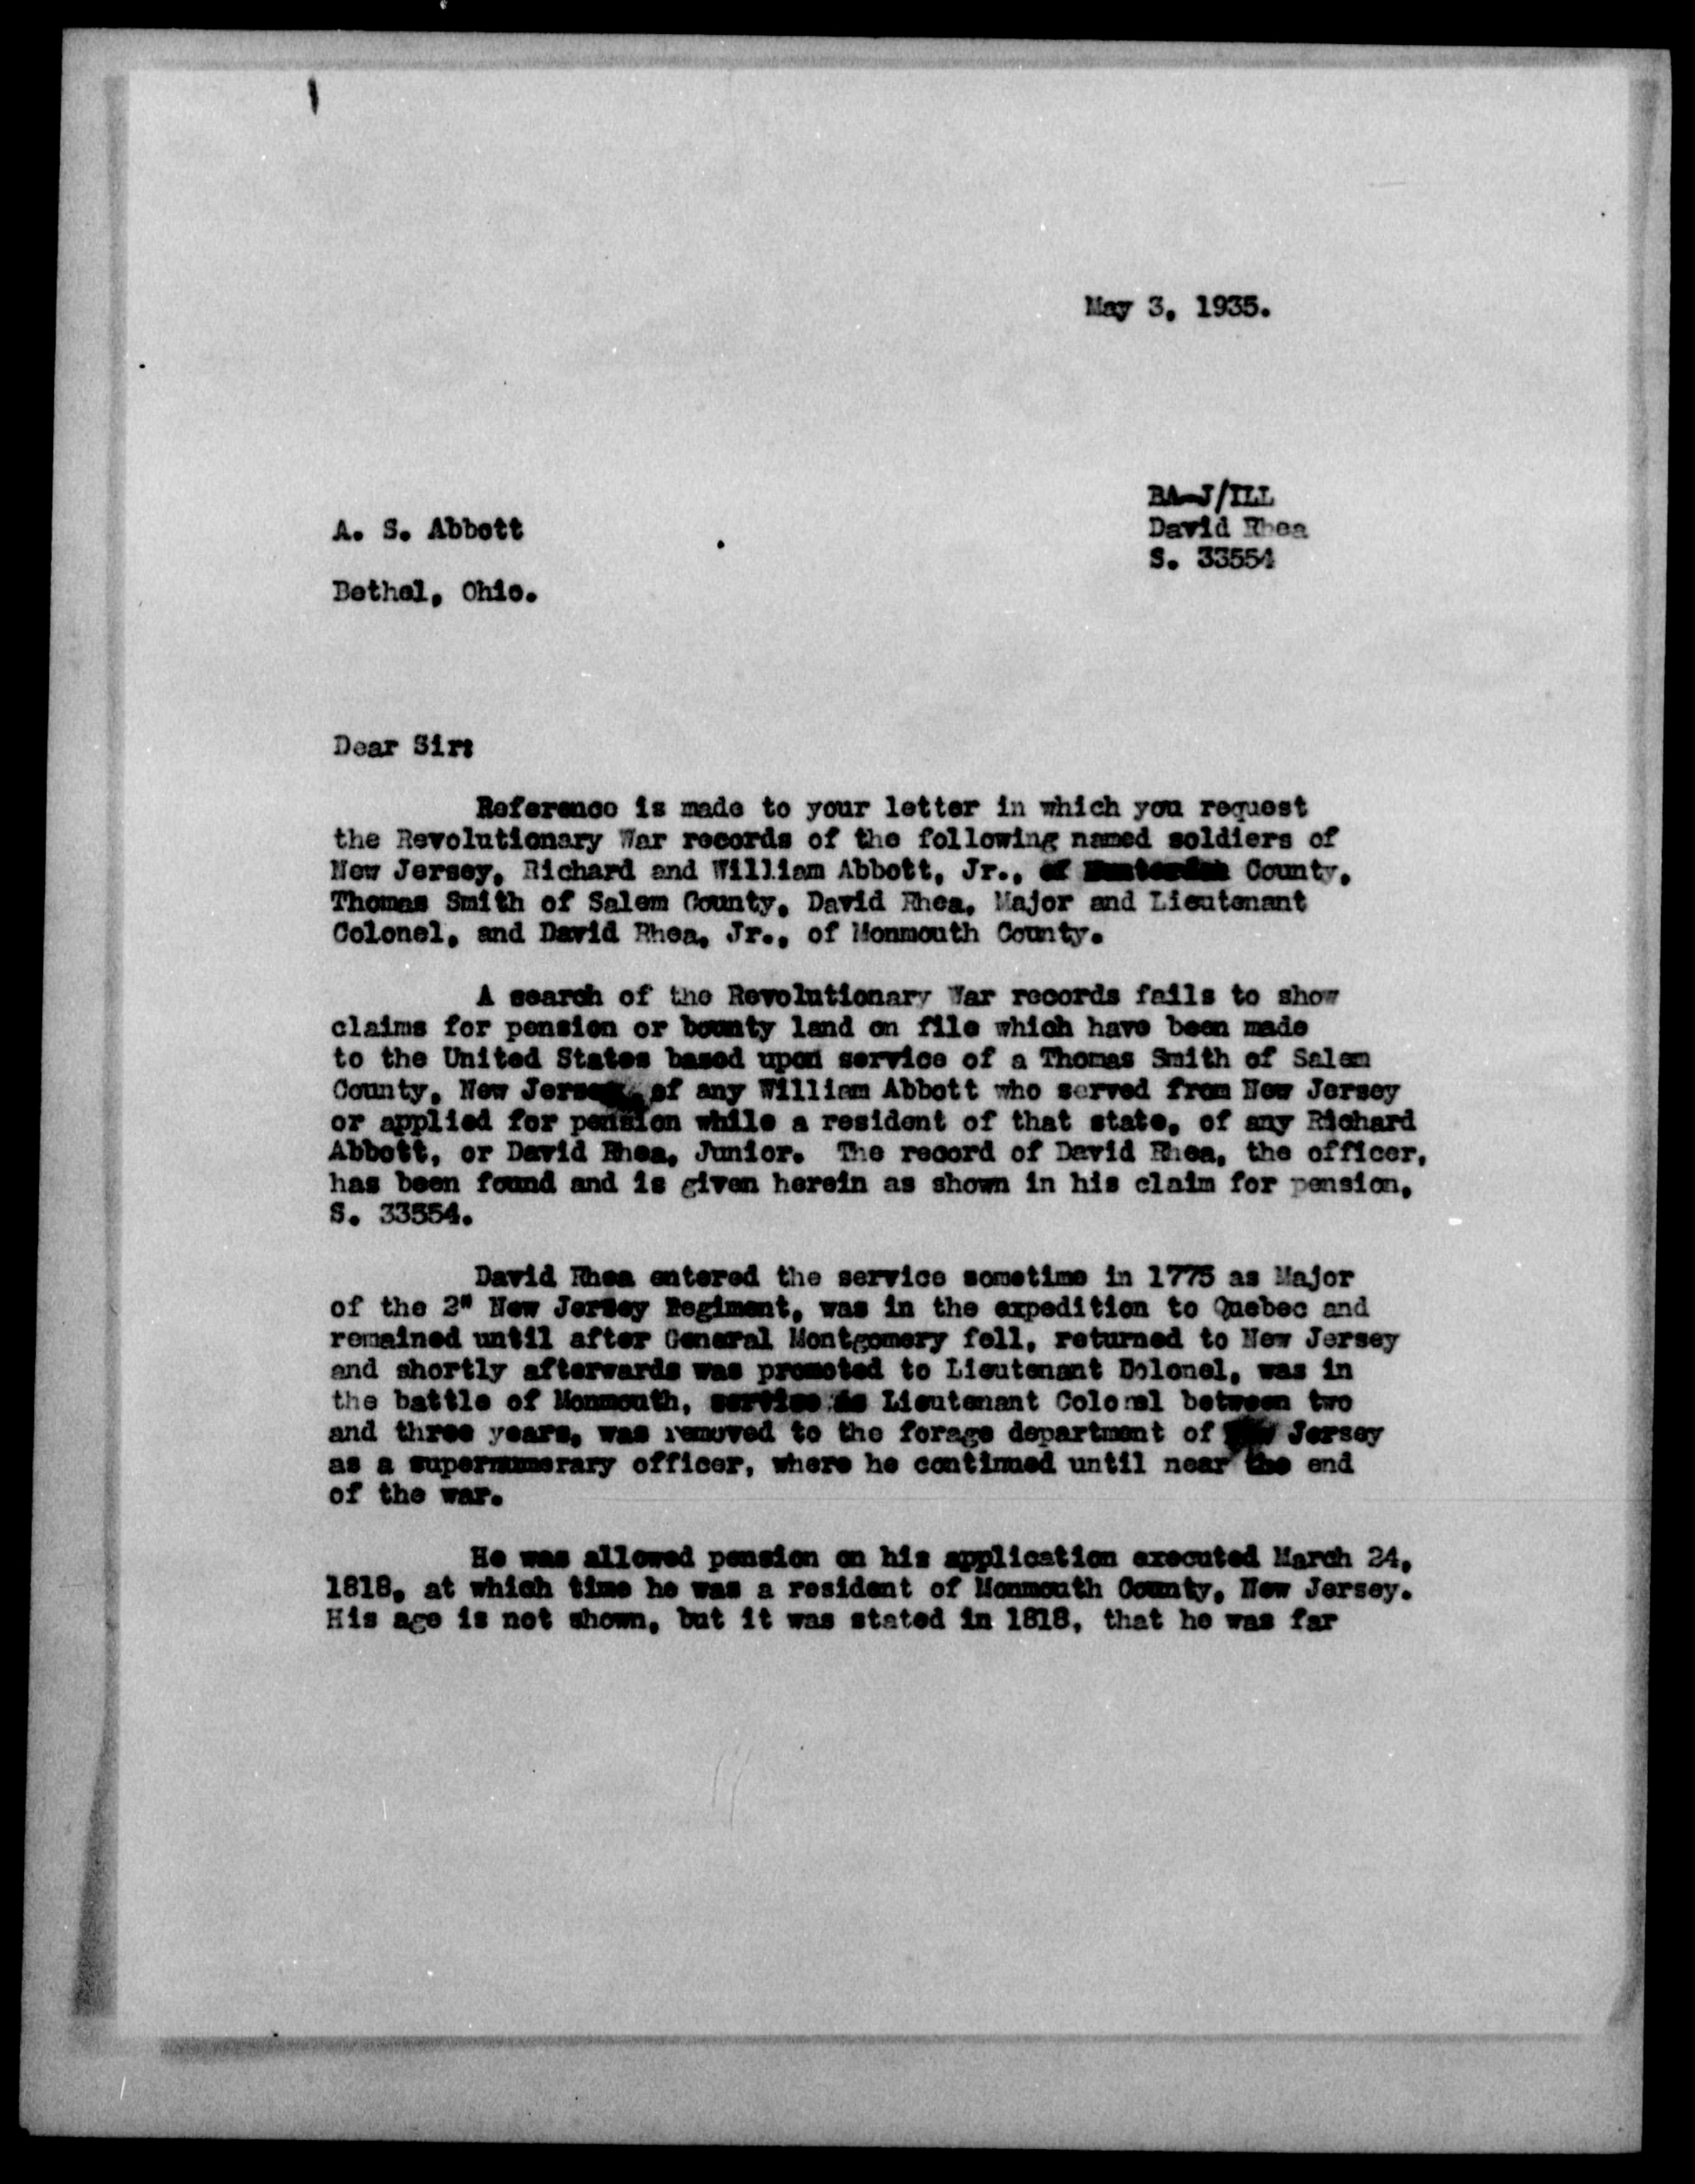May 3, 1935.
BA-J/ILL
David Rhea
S. 33554

A. S. Abbott
Bethel, Ohio.

Dear Sir:

Reference is made to your letter in which you request
the Revolutionary War records of the following named soldiers of
New Jersey, Richard and William Abbott, Jr., of Hunterdon County,
Thomas Smith of Salem County, David Rhea, Major and Lieutenant
Colonel, and David Rhea, Jr., of Monmouth County.

A search of the Revolutionary War records fails to show
claims for pension or bounty land on file which have been made
to the United States based upon service of a Thomas Smith of Salem
County, New Jersey, of any William Abbott who served from New Jersey
or applied for pension while a resident of that state, of any Richard
Abbott, or David Rhea, Junior. The record of David Rhea, the officer,
has been found and is given herein as shown in his claim for pension,
S. 33554.

David When entered the service sometime in 1775 as Major
of the 2# New Jersey Regiment, was in the expedition to Quebec and
remained until after General Montgomery fell, returned to New Jersey
and shortly afterwards was promoted to Lieutenant Colonel, was in
the battle of Monmouth, service as Lieutenant Colonel between two
and three years, was removed to the forage department of New Jersey
as a supernumerary officer, where he continued until near the end
of the war.

He was allowed pension on his application executed March 24,
1818, at which time he was a resident of Monmouth County, New Jersey.
His age is not shown, but it was stated in 1818, that he was far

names: William Abbott; Richard Abbott; A S Abbott; [BLANK] Montgomery; David Rhea; Richard Abbott; William Abbott; Thomas Smith; David Rhea; Thomas Smith; David Rhea; David Rhea; David Rhea; David Rhea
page: 11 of 21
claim: survivor's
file: S. 33,554, for David Rhea, New Jersey